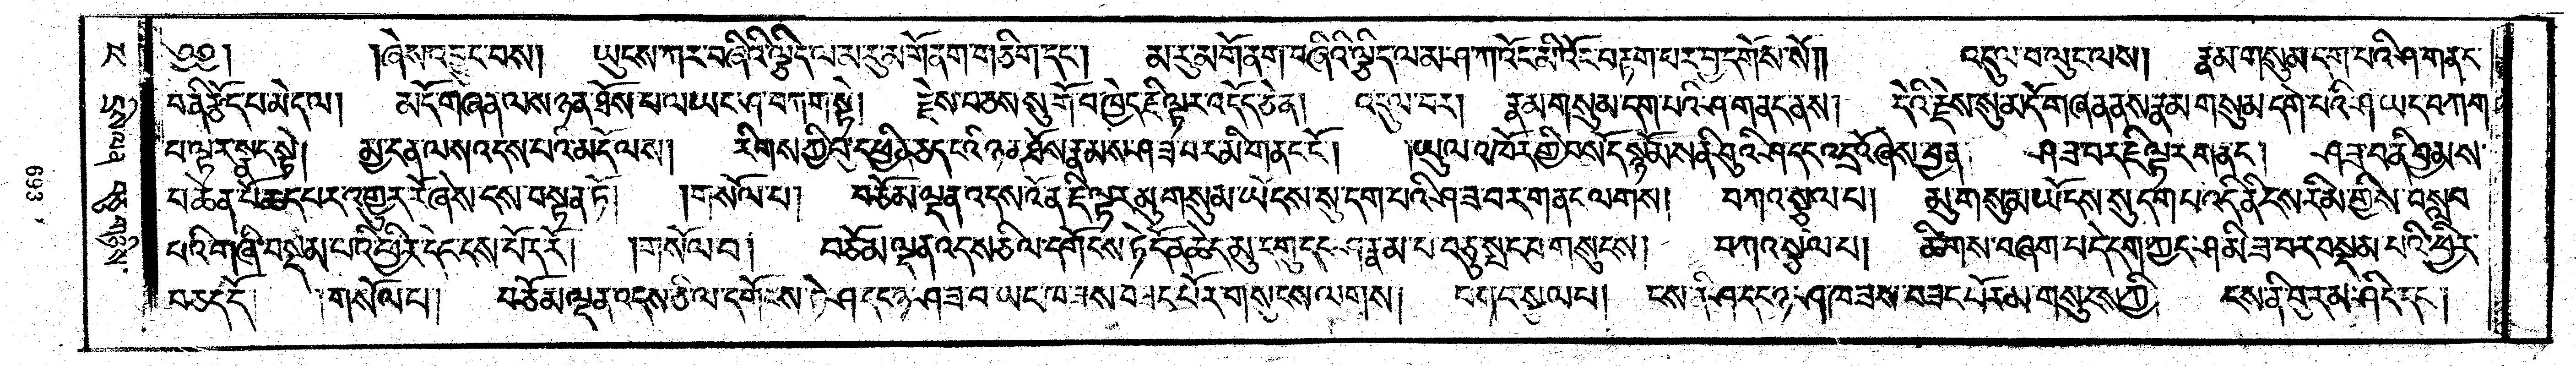༄༅། །ཞེས་འབྱུང་བས། ཡུངས་ཀར་བཞིའི་ལྕིད་ལམ་རུ་མགོ་ནག་གཅིག་དང་། མ་རུ་མགོ་ནག་བཞིའི་ལྕིད་ལམ་ཤ་ཀ་འོང་མི་འོང་བརྟག་པར་བྱ་དགོས་སོ།། འདུལ་བ་ལུང་ལས། རྣམ་གསུམ་དག་པའི་ཤ་གནང་
བ་ནི་རྩོད་པ་མེད་ལ། མདོ་གཞན་ལས་ཉན་ཐོས་པ་ལ་ཡང་ཤ་བཀག་སྟེ། རྗེས་བཅས་སུ་གོ་བ་ཁྱེད་ཇི་ལྟར་འདོད་ཅེ་ན། འདུལ་བར། རྣམ་གསུམ་དག་པའི་ཤ་གནང་ནས། དེའི་རྗེས་སུ་མདོ་གཞན་ནས་རྣམ་གསུམ་དགེ་པའི་ཤ་ཡང་བཀག་
པ་ལྟར་སྣང་སྟེ། མྱ་ངན་ལས་འདས་པའི་མདོ་ལས། རིགས་ཀྱི་བུ་དཔྱིན་ཅད་ངའི་ཉན་ཐོས་རྣམས་ཤ་ཟ་པར་མི་གནང་ངོ། །ཡུལ་འཁོར་གྱི་བསོད་སྙོམས་ནི་བུའི་ཤ་དང་འདྲའོ་ཞེས་བྱ་ན། ཤ་ཟ་བར་ཇི་ལྟར་གནང་། ཤ་ཟ་བ་ནི་བྱམས་
པ་ཆེན་པོ་ཆད་པར་འགྱུར་རོ་ཞེས་ངས་བསྟན་ཏོ། །གསོལ་པ། བཅོམ་ལྡན་འདས་འོ་ན་ཇི་ལྟར་མུ་གསུམ་ཡོངས་སུ་དག་པའི་ཤ་ཟ་བར་གནང་ལགས། བཀའ་སྩལ་པ། མུ་གསུམ་ཡོངས་སུ་དག་པ་འདི་ནི་ངས་རིམ་གྱིས་བསླབ་
པའི་གཞི་བསྔམ་པའི་ཕྱིར་དེང་ངས་པོར་རོ། །གསོལ་བ། བཅོམ་ལྡན་འདས་ཅི་ལ་དགོངས་ཏེ་དོན་ཆེད་མུ་དགུ་དང་ཤ་རྣམ་པ་བཅུ་སྤང་བ་གསུངས། བཀའ་སྩལ་པ། ཚིགས་བཞག་པ་དེ་དག་ཀྱང་ཤ་མི་ཟ་བར་བསྡམ་པའི་ཕྱིར་
བཅད་དོ། །གསོལ་པ། བཅོམ་ལྡན་འདས་ཅི་ལ་དགོངས་ཏེ་ཤ་དང་ཉ་ཤ་ཟ་བ་ཡང་ཁ་ཟས་བཟང་པོར་གསུངས་ལགས། བཤང?་སྩལ་པ། ངས་ནི་ཤ་དང་ཉ་ཤ་ཁ་ཟས་བཟང་པོར་མ་གསུངས་ཀྱི། ངས་ནི་བུ་རམ་ཤིང་དང་།